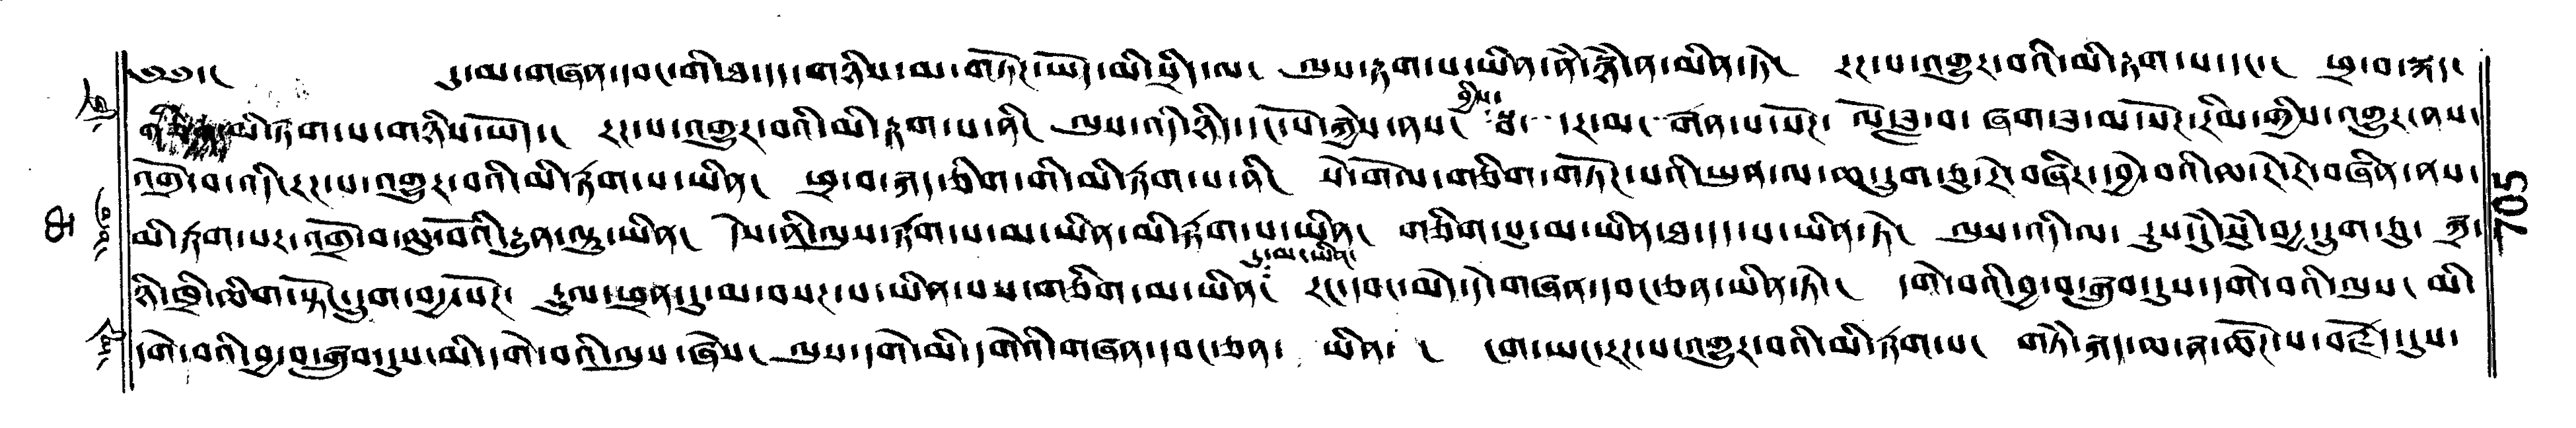དུ་མ་གཞན་དབང་གི་ཐ་དད་གཉིས་མ་གཏོགས་ཡོད་མི་སྲིད་ལ། ལུས་རྟག་པ་ཡིན་ནམ་སྙམ་ན་མིན་ཏེ། རགས་པ་འགྱུར་བའི་མི་རྟག་པ་དང་། ཕྲ་བ་སྐད་
གཅིག་གི་མི་རྟག་པ་གཉིས་ཡོད། རགས་པ་འགྱུར་བའི་མི་རྟག་པ་ནི། ལུས་འདི་ཉིད་དང་པོ་སྐྱེས་ནས་བྱིས་པ་དར་མ་རྒན་པ་སོགས་ལོ་ཟླ་བ་ཞག་ཟ་མ་སོགས་རིམ་གྱིས་འགྱུར་ནས་
འགྲོ་བ་འདི་རགས་པ་འགྱུར་བའི་མི་རྟག་པ་ཡིན། ཕྲ་བ་སྐད་ཅིག་གི་མི་རྟག་པ་ནི། སེ་གོལ་གཅིག་གཏོགས་པའི་ཡུན་ལ་ཆ་དྲུག་ཅུ་རེ་བཞིར་དབྱེ་བའི་ཆ་རེ་རེ་བཞིན་ནས་
མི་རྟག་པར་འགྲོ་བ་ཆུ་བོའི་རྒྱུན་ལྟ་བུ་ཡིན། དེས་ནི་ལུས་རྟག་པ་མ་ཡིན་མི་རྟག་པ་ཡིན། གཅིག་པུ་མ་ཡིན་ཐ་དད་པ་ཡིན་ཏེ། ལུས་འདི་ལ། རུས་དུམ་སུམ་བརྒྱ་དྲུག་ཅུ་སྐྲ་
ཉི་ཁྲི་ཆིག་སྟོང་དྲུག་བརྒྱ་སོགས། རྡུལ་ཕྲན་དུ་མ་བསགས་པ་ཡིན་པས་གཅིག་མ་ཡིན་དུ་མ་ཡིན། རང་དབང་མེད་དེ་གཞན་དབང་ཅན་ཡིན་ཏེ། དགེ་བའི་བྱ་བ་སྒྲུབ་དུས་དགེ་བའི་ལུས། མི་
དགེ་བའི་བྱ་བ་སྒྲུབ་དུས་མི་དགེ་བའི་ལུས་ཞེས། ལུས་དགེ་མི་དགེའི་གཞན་དབང་ཅན་ཡིན། ངག་ཡང་རགས་པ་འགྱུར་བའི་མི་རྟག་པ། གཏམ་སྐད་ཆ་སྣ་ཚོགས་པ་བརྗོད་དུས་